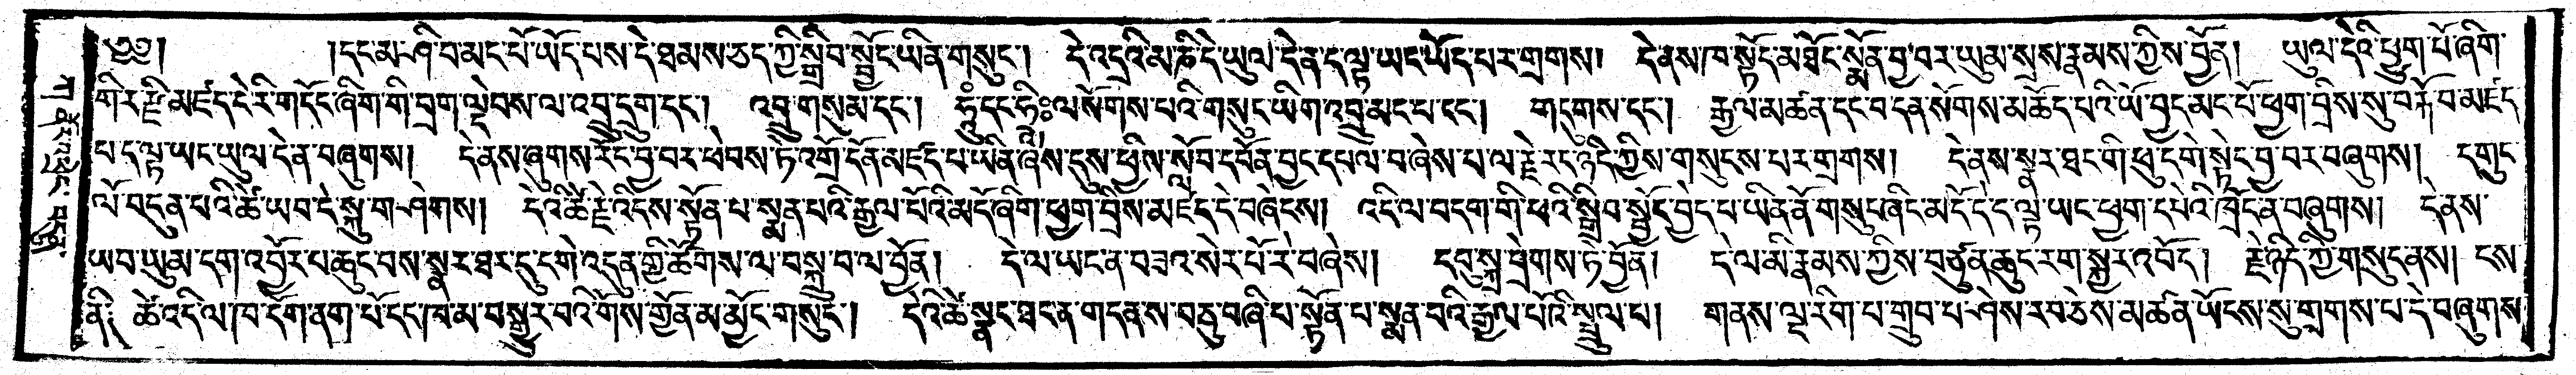༄༅། །དང་མ་ཤི་བ་མང་པོ་ཡོད་པས་དེ་ཐམས་ཅད་ཀྱི་སྒྲིབ་སྦྱོང་ཡིན་གསུང་། དེ་འདྲའི་མ་ཎི་དེ་ཡུལ་དེ་ན་ད་ལྟ་ཡང་ཡོད་པར་གྲགས། དེ་ནས་ཁ་སྟོད་མཐོང་སྨོན་བྱ་བར་ཡུམ་སྲས་རྣམས་ཀྱིས་བྱོན། ཡུལ་དེའི་ཕྱུག་པོ་ཞིག་
གིར་རྫི་མཛད་ངེ་རི་གདོང་ཞིག་གི་བྲག་ལྡེབས་ལ་འབྲུ་དྲུག་དང་། འབྲུ་གསུམ་དང་། ཧཱུཾ་དང་ཧྲཱིཿ ལ་སོགས་པའི་གསུང་ཡིག་འབྲུ་མང་པ་དང་། གདུགས་དང་། རྒྱལ་མཚན་དང་བདན་སོགས་མཆོད་པའི་ཡོ་བྱད་མང་པོ་ཕྱག་བྲིས་སུ་བརྐོ་བ་མཛད་
པ་ད་ལྟ་ཡང་ཡུལ་དེ་ན་བཞུགས། དེ་ནས་ཞུགས་རོང་བྱ་བར་ཕེབས་ཏེ་འགྲོ་དོན་མཛད་པ་ཡིན་ཞེས་དུས་ཕྱིས་སློབ་དཔོན་བྱང་དཔལ་བ་ཞེས་པ་ལ་རྗེ་རང་ཉིད་ཀྱིས་གསུངས་པར་གྲགས། དེ་ནས་སྣར་ཐང་གི་ཕུ་དགེ་སྟེང་བྱ་བར་བཞུགས། དགུང་
ལོ་བདུན་པའི་ཚེ་ཡབ་དེ་སྐུ་གཤེགས། དེའི་ཚེ་རྗེ་འདིས་སྟོན་པ་སྨན་པའི་རྒྱལ་པོའི་མདོ་ཞིག་ཕྱག་བྲིས་མཛད་དེ་བཞེངས། འདི་ལ་བདག་གི་ཕའི་སྒྲིབ་སྦྱོང་བྱེད་པ་ཡིན་ནོ་གསུང་ཞིང་མདོ་དེ་ད་ལྟ་ཡང་ཕྱག་དཔེའི་ཁྲོད་ན་བཞུགས། དེ་ནས་
ཡབ་ཡུམ་དག་འབྱོར་པ་ཆུང་བས་སྣར་ཐར་དུ་དགེ་འདུན་གྱི་ཚོགས་ལ་བསྐྲུ་བ་ལ་བྱོན། དེ་ལ་ཡང་ན་བཟའ་སེར་པོ་རེ་བཞེས། དབུ་སྐྲ་བྲེགས་ཏེ་བྱོན། དེ་ལ་མི་རྣམས་ཀྱིས་བཙུན་ཆུང་རག་སྐྱར་འབོད། རྗེ་ཉིད་ཀྱི་གསུང་ནས། ངས་
ནི༑ ཚེ་འདི་ལ་ཁ་དོག་ནག་པོ་དང་ཁ་མ་བསྒྱུར་བའི་གོས་གྱོན་མ་མྱོང་གསུང་། དེའི་ཚེ་སྣང་ཐང་ན་གདན་ས་བཅུ་བཞི་པ་སྟོན་པ་སྨན་བའི་རྒྱལ་པོའི་སྤྲུལ་པ། གནས་ལྔ་རིག་པ་གྲུབ་པ་ཤེས་རབ་ཅེས་མཚན་ཡོངས་སུ་གྲགས་པ་དེ་བཞུགས་